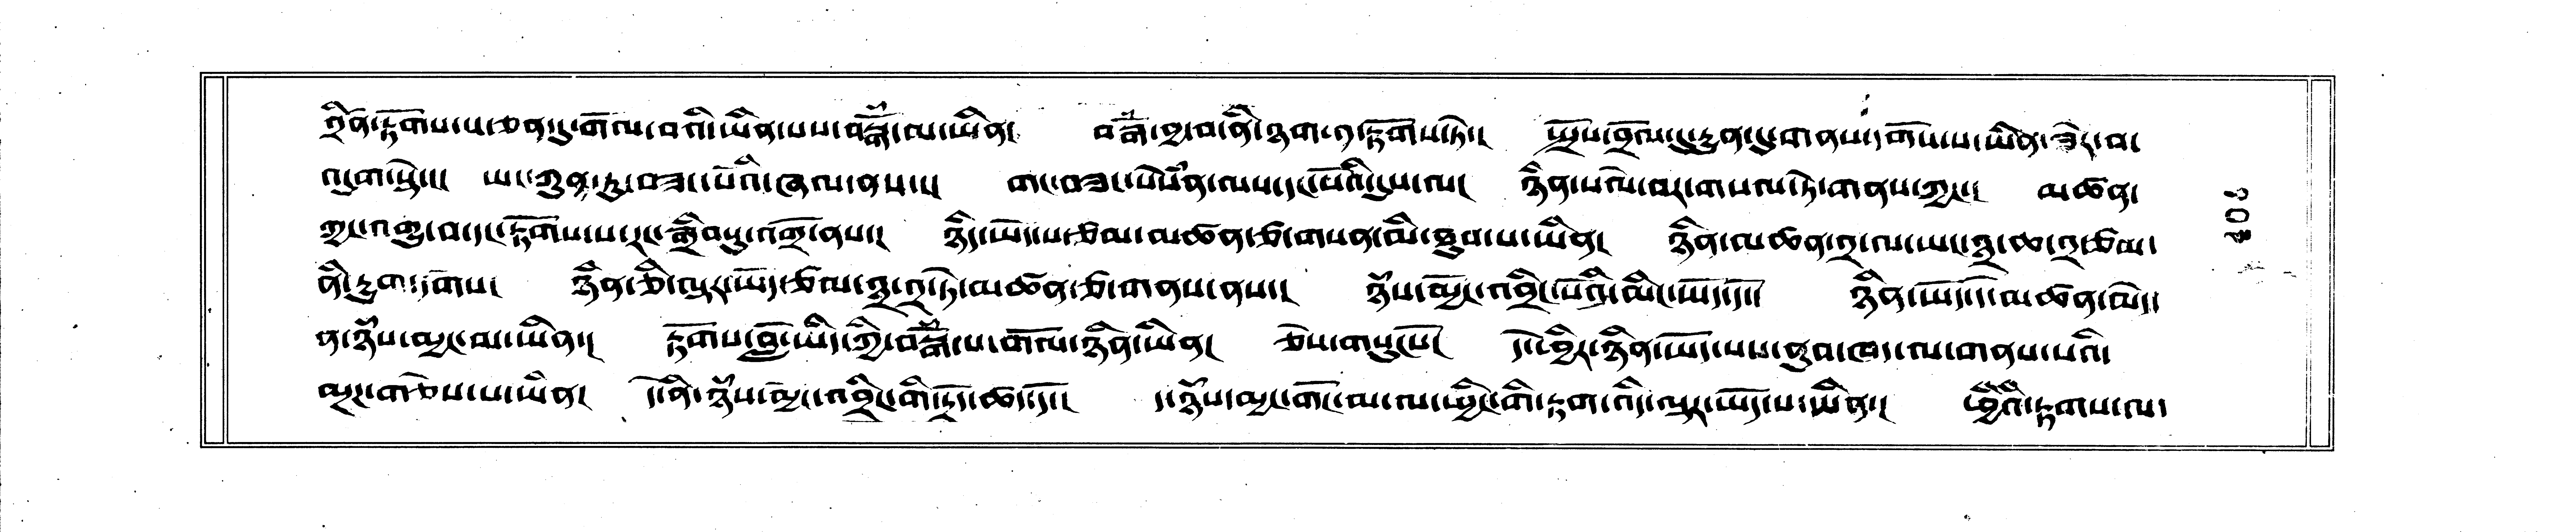གཉིས་འཛིན་རྟོག་པ་ཅན་དུ་གོལ་བ་ཡིན་པས་སྒོམ་མ་ཡིན། སྒོམ་བྱ་བ་ནི་ཉག་ཅིག་ཏུ་རྟོགས་ཏེ། སྤྲོས་བྲལ་རྒྱུན་དུ་གནས་དགོས་པ་ཡིན་ཟེར་བ་
འདུག་སྟེ། ཡང་ཀུན་ཏུ་བཟང་པོའི་ཞལ་ནས། གང་ཟག་སེམས་ཅན་ལས་དང་པོའི་དུས་ལ། ཉིན་སལེ་བར་གསལ་ཏེ་གནས་ཀྱང་། མཚན་
ཙ་འགྱུ་བ་དང་རྟོགས་པས་རང་སྒྲིབས་སུ་འགྲོ་ནས། ཉིན་ཡོད་པ་ཙམ་མཚན་ལ་གནས་མི་ཐུབ་པ་ཡིན། ཉིན་མཚན་གཉིས་ལ་ཡང་སུམ་ཆ་གཉིས་ཙམ་
རེ་རྒྱུག་དགོས། ཉིན་ཅི་ལྟར་ཡོད་པ་ལྟར་སུམ་ཆ་གཉིས་དེ་མཚན་ཙ་གནས་ནས་ཉམས་མྱོང་འབྲིང་པོའི་མིང་ཡོད། ཉིན་ཡོད་དེ་མཚན་མེད་
ན་ཉམས་མྱོང་མ་ཡིན། རྟོག་བློ་ཡིད་ཀྱིས་སྒོམས་པས་གོལ་ཉེན་ཡོད། ཅེས་གསུངས། དེའི་ཕྱིར་ན་ཉིན་ཡོད་པའི་དོན་དེ་ནུབ་ཀྱང་ཁད་ལ་གནས་པའི་
མེན་ངག་གཅེས་པ་ཡིན། དེ་ནི་ཉམས་མྱོང་འབྲིང་གི་དྲོད་ཚད་དོ། ད་ཉམས་མྱོང་གོང་མ་ལ་ཕྱི་ནང་གི་རྟགས་འདི་ལྟར་ཡོད་པ་ཡིན། ཕྱིའི་རྟགས་ལ་